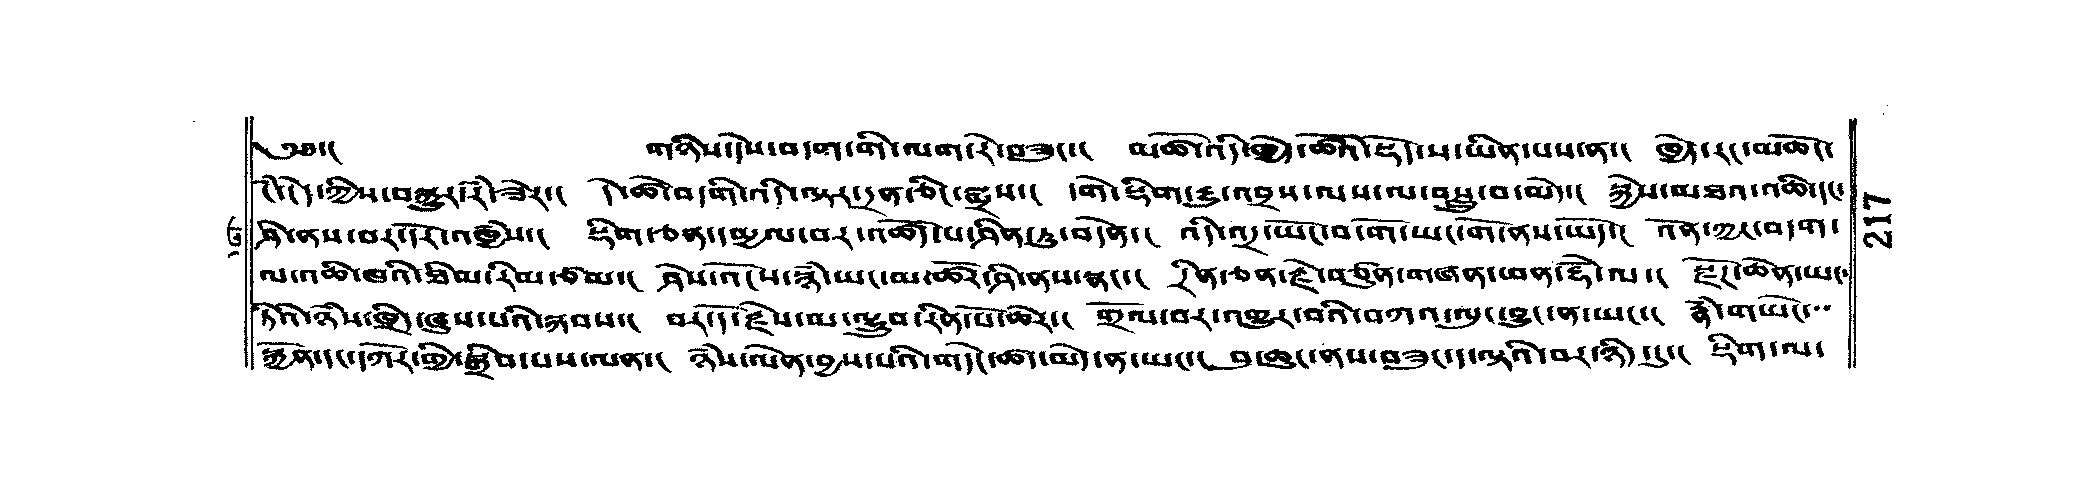གཉིས་དེས་བདག་གི་ལག་རེ་བཟུང་། །མཚོ་འདི་ཁྱེད་ཚོའི་སྡོད་ས་ཡིན་པས་ན། །ཁྱེད་རང་མཆོང་
ངམ་ངེད་ཀྱིས་བསྐྱུར་རམ་ཟེར། །དེ་ཚེ་བདག་གི་འདི་ལྟར་དྲན་ཅིང་སྨྲས། །དགེ་སྡིག་རྒྱུ་འབྲས་ལས་ལ་བསླུ་བ་མེད། །སྐྱེས་མཐའ་འཆི་དང་
ཤི་ནས་བར་དོར་འཁྱམས། །སྡིག་ཅན་དམྱལ་བར་འཚོད་པ་ཤིན་ཏུ་བདེན། །འདི་འདྲ་ཡོང་བ་གོ་ཡང་གོ་ནས་ཡོད། །འོན་ཀྱང་བདག་
ལ་འཆི་ཁའི་ཐིམ་རིམ་ཙམ། །ཤེས་འོངས་སྙམ་ཡང་མ་ཚོར་ཤི་ནས་སྣང་། །དྲིན་ཅན་རྗེ་བཙུན་གཞན་ཕན་རྡོ་རྗེ་ལ། །རྫོགས་ཆེན་ཡང་
ཏིའི་ཉམས་ཁྲིད་ཞུས་པའི་སྐབས། །བར་དོ་རྗེས་མ་ལྷུན་གྲུབ་རིན་པོ་ཆེར། །གྲོལ་བར་འགྱུར་བའི་བཀའ་ལུང་བྱུང་ན་ཡང་། །རྣམ་གཡེང་
སྐྱོན་དང་དཀོར་གྱྀ་སྒྲིབས་པས་ལན། །ཉམས་ལེན་བྱས་པའི་གདེང་ཚད་མེད་ན་ཡང་། །བུ་ཆུང་ནས་བཟུང་ད་ལྟའི་བར་ཉིད་དུ། །སྡིག་ལ་